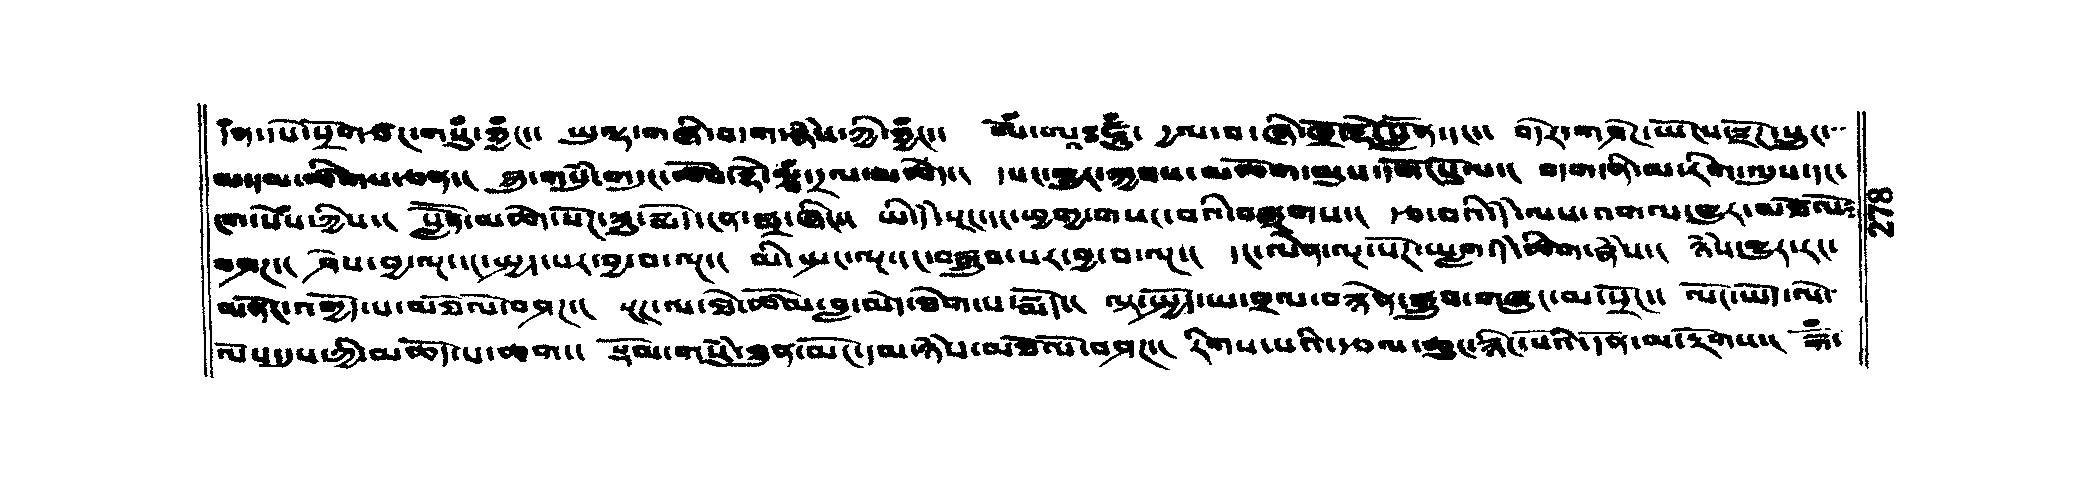དམ་ཅན་དཔེ་སྲོག་གཙང་གསུམ་ཐུགས་དམ་བསྐང་། །ཡུལ་ལྷ་གཞི་བདག་རྣམས་ཀྱི་ཐུགས་དམ་བསྐང་། ། ཨོཾ་ཨཱཿཧཱུྃ། རྒྱལ་བ་ཞི་ཁྲོ་རྡོ་རྗེ་སློབ་དཔོན་དང་། །བདེར་གཤེགས་ཡོངས་རྫོགས་སྲུང་
མ་དམ་ཚིག་ཅན། །སྐུ་གསུམ་གདུང་ཚོབ་རྡོ་རྗེ་ལྕམ་དྲལ་མཆེད། །དཔང་གྱུར་སྐྱབས་མཆོག་མ་ལུས་དགོངས་སུ་གསོལ། །བདག་ནི་མ་རིག་ལུས་དང་
ངག་སེམས་ཀྱི། །སློབ་དཔོན་མཆེད་སོགས་སྐུ་སྨད་ངན་སྨྲ་ཞིང་། །ཡི་དམ་སྔགས་དང་ཕྱག་རྒྱ་གསང་བའི་བསྒྲགས། །རྩ་བའི་དམ་ལས་འགལ་གྱུར་མཐོལ་ལོ་
བཤགས། །ཤེས་བྱ་ལྔ་དང་སྤྱད་པར་བྱ་བ་ལྔ་། །མི་སྤང་ལྔ་དང་བསྒྲུབ་པར་བྱ་བ་ལྔ་། །དང་ལེན་ལྔ་སོགས་ཡན་ལག་དམ་ཚིག་རྣམས། །ཉམས་གྱུར་རང་
མནོང་འགྱོད་པ་མཐོལ་ལོ་བཤགས། །སྔགས་ལ་ཐེ་ཚོམ་བླ་མེད་ཐེག་པ་སྨོད།། ལྟ་སྤྱོད་ཡ་བྲལ་བསྙེན་སྒྲུབ་གཞུང་མ་སྲོང་། །ལོང་ཡོད་ལེ་
ལོས་དུས་ཀྱི་མཆོད་པ་ཆག་སྡོམ་གསུམ་ཐུན་མོང་དམ་ཉམས་མཐོལ་ལོ་བཤགས། །རིགས་པའི་རྩལ་ཆུང་སྙིང་པོའི་དོན་མ་རྟོགས། །སྒོམ་